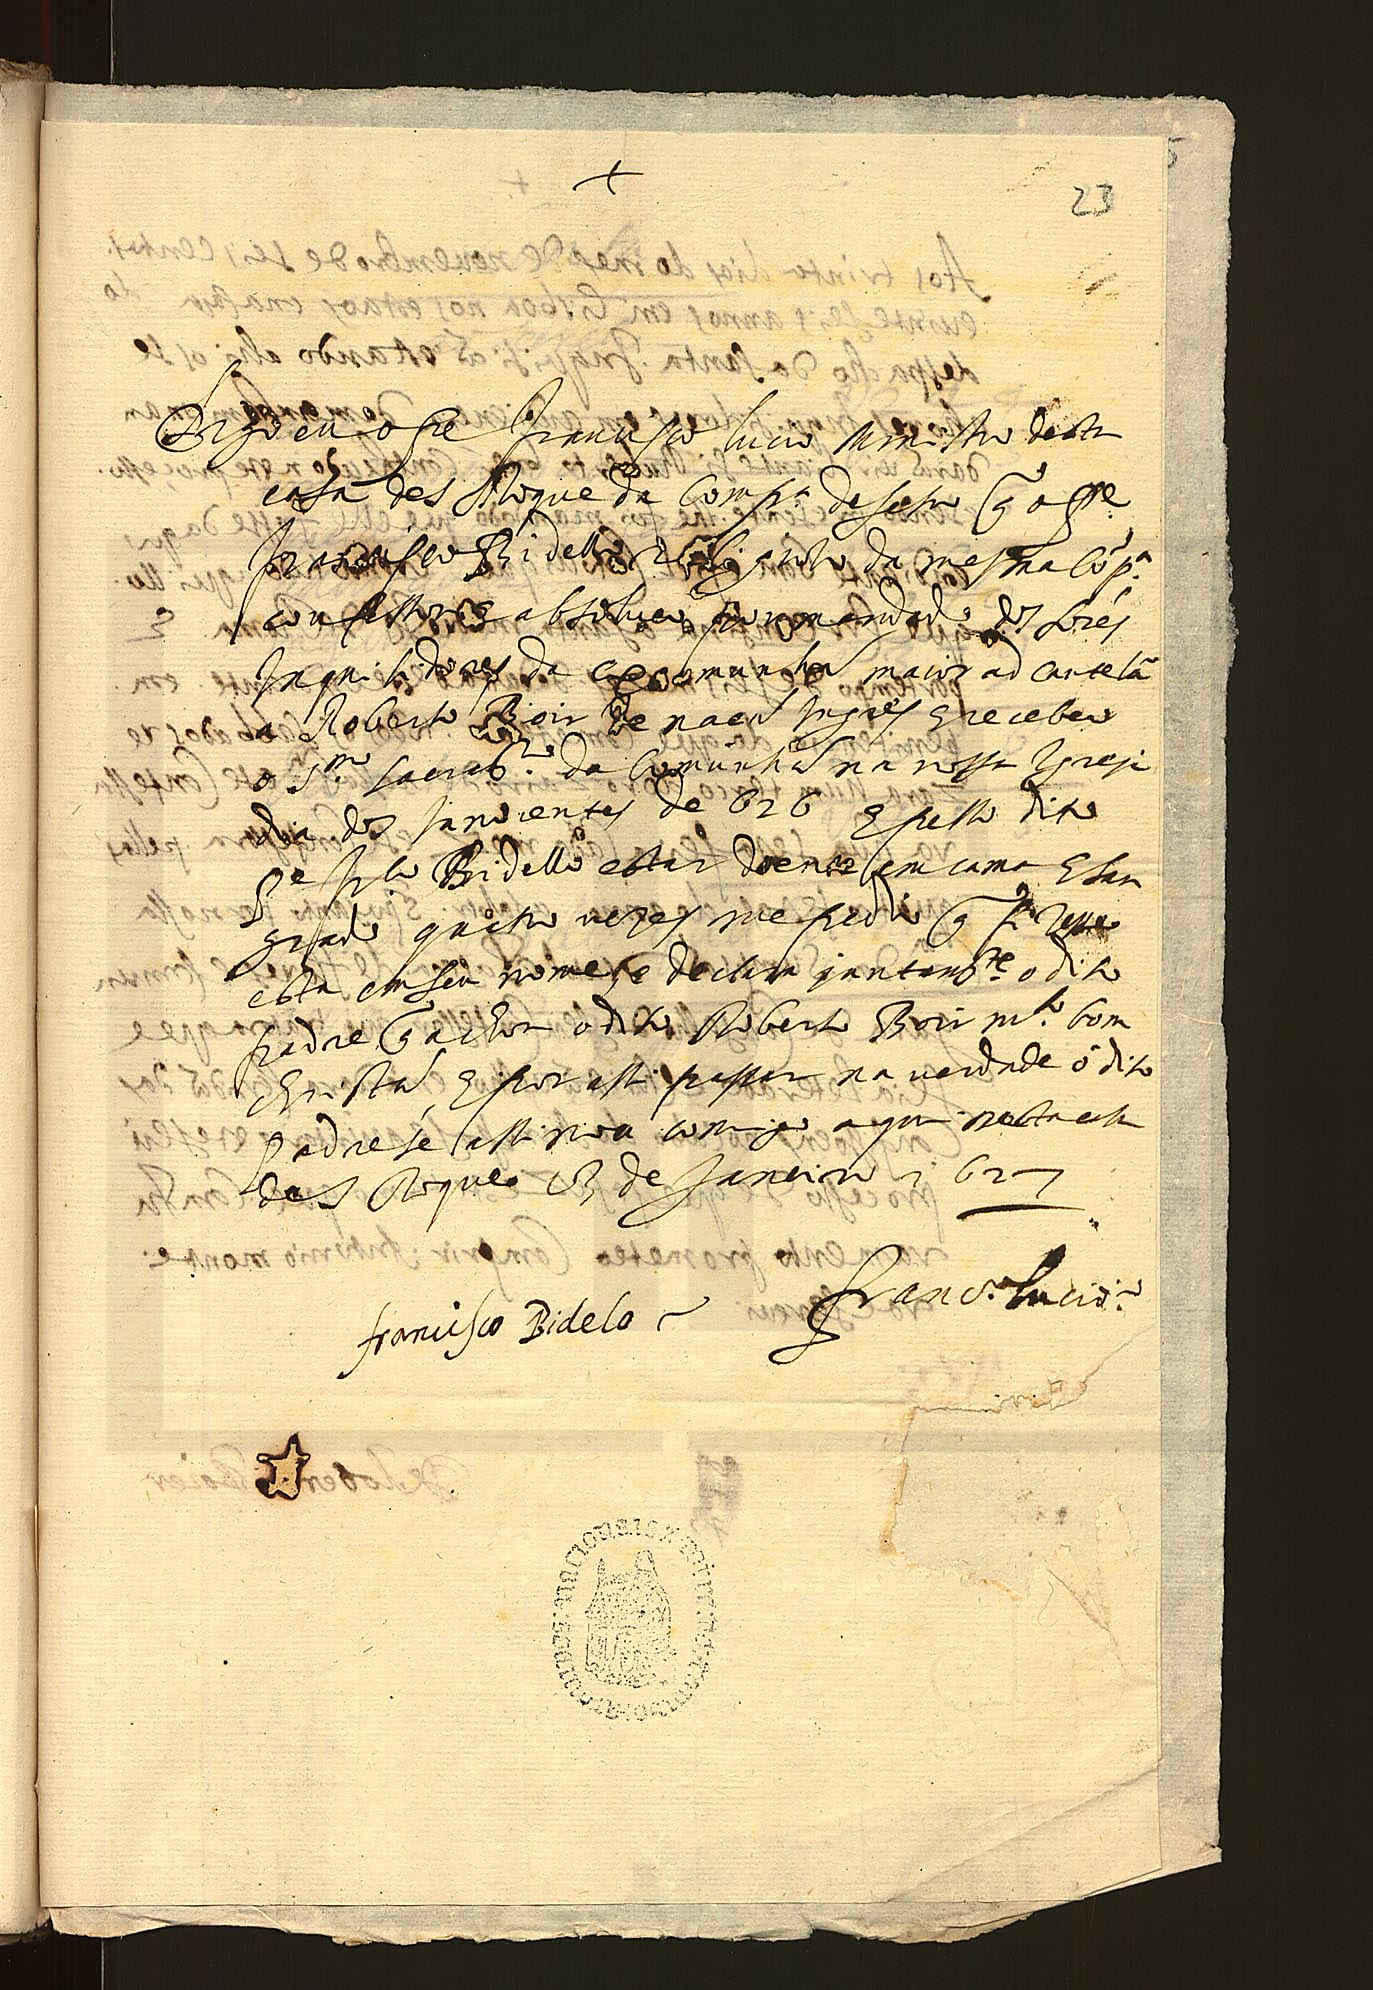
Digo eu o pe francisco lucio Ministro desta
casa de s Roque da Comp.a de jesu q̄ o p.e
francisco Bidello religiozo da mesma cōp.a
confessor _ absolueo por mandado dos sorēs
Jnquisidores da excomunhā maior ad cautelā
a Roberto Boir de naçā Jngres E recebeo
o S.mo Sacram.to da comunhā na nossa Igreja
dia dos Jnocentes de 626 E pello dito
pe frc.o Bidello estar doente em cama E san
grado quatro uezes me pedio q̄ fizesse
esta em seu nome e declara juntam.te o dito
padre q̄ achou o dito Roberto Boir mt.o bom
christā E por assi passar na uerdade o dito
padre se assinou comigo aqui nesta casa
de S Roque 13 de Janeiro i627
franc.o lucio
francisco Bidelo
